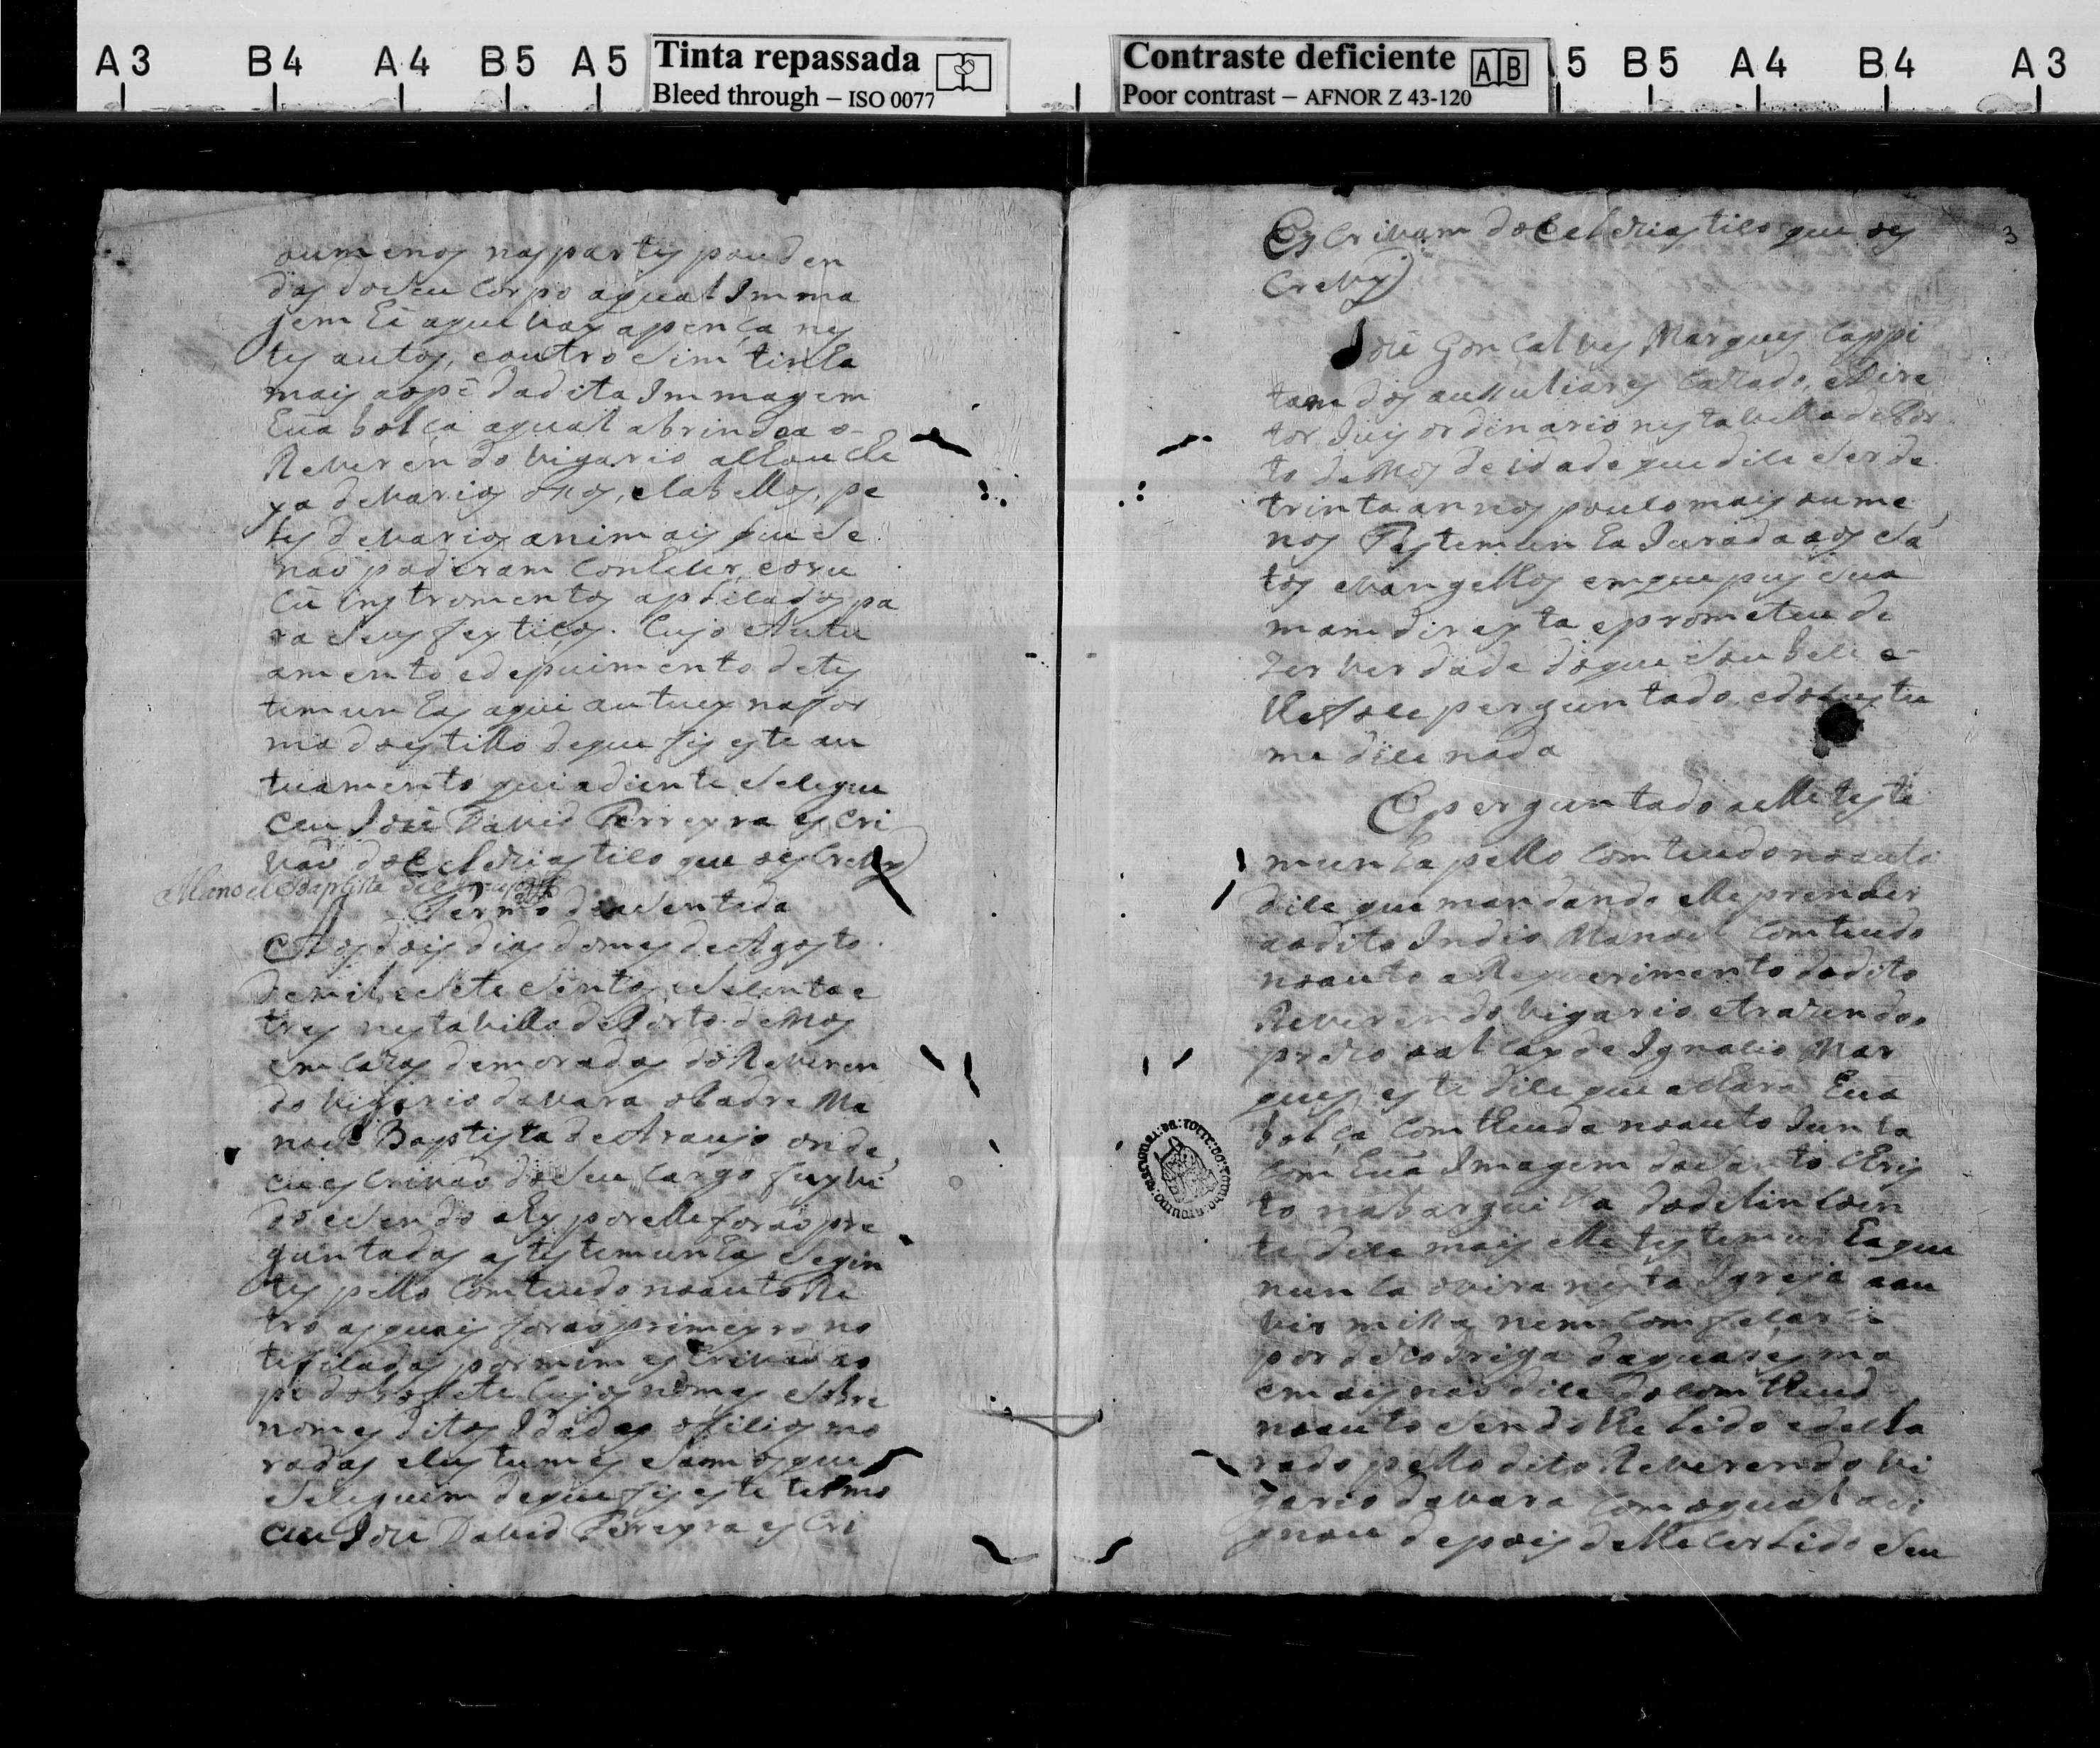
ou menos nas partes pouden
das do seu corpo a qual Imma
gem hé a que vay apença nes
tes autos, e outrosim tinha
mais ao pé da dita Immagem
huã bolça a qual abrindoa o
Reverendo vigario achou che
ya de varios ossos, e Cabellos, pe
les de varios animais que se
naõ poderam conhecer, e o viu
Cū instromentos aplicados pa
ra seus feytiços. Cujo Autu
amento e depuimento de tes
temunhas aqui autuey na for
ma do estillo de que fis este au
tuamento que adiante se cegue
e eu Ioze David Ferreyra escri
vaõ do Ecleziastico que o escrevy
Manoel Baptista de Araujo
Termo de asentada
Aos dois dias do mes de Agosto
de mil e setesentos e secenta e
tres nesta villa de Porto de Mos
em cazas de moradas do Reveren
do vigario da vara o Padre Ma
noel Baptista de Araujo onde
eu escriuaõ de seu Cargo fuy vī
do e sendo ahy por elle foraõ pre
guntadas as testemunhas segin
tes pello Comteudo no auto Re
tro as quais foraõ primeyro no
tificadas por mim esCriuão ao
pe do bofete Cujos nomes sobre
nomes ditos Idades oficios mo
radas e custumes sam os que
se seguem de que fis este termo
e eu Ioze Dauid Ferreyra escri
Escrivam do Ecleziastico que o es
crevy
Ioze Gonçalves Marques Cappi
tam dos aussuliares cazado, e Dire
tor Iuis ordinario nesta villa de Por
to de mos de idade que dice ser de
trinta annos pouco mais ou me
nos Testemunha Iurada aos Sā
tos evangelhos em que pus sua
mam direyta e prometeu de
Zer verdade do que soubece e
lhe foce perguntado e do custu
me dice nada
E perguntado a elle teste
munha pello comteudo no auto
dice que mandando elle prender
ao dito Indio Manoel Conteudo
no auto e Requerimento do dito
Reverendo vigario e trazendo o
prezo o alcayde Ignacio Mar
ques, este dice que achara hua
bolça comtheuda no auto Iunta
com huā Imagem do Santo Chris
to na barguilha do delincoen
te dice mais elle testemunha que
nunca o vira nesta Igreja a ou
vir missa nem comfeçarce
por dezobriga da quaresma
e mais naõ dice do comtheudo
no auto sendolhe Lido e decla
rado pello dito Reverendo vi
gario da vara com o qual asi
gnou depois de lhe cer Lido seu
